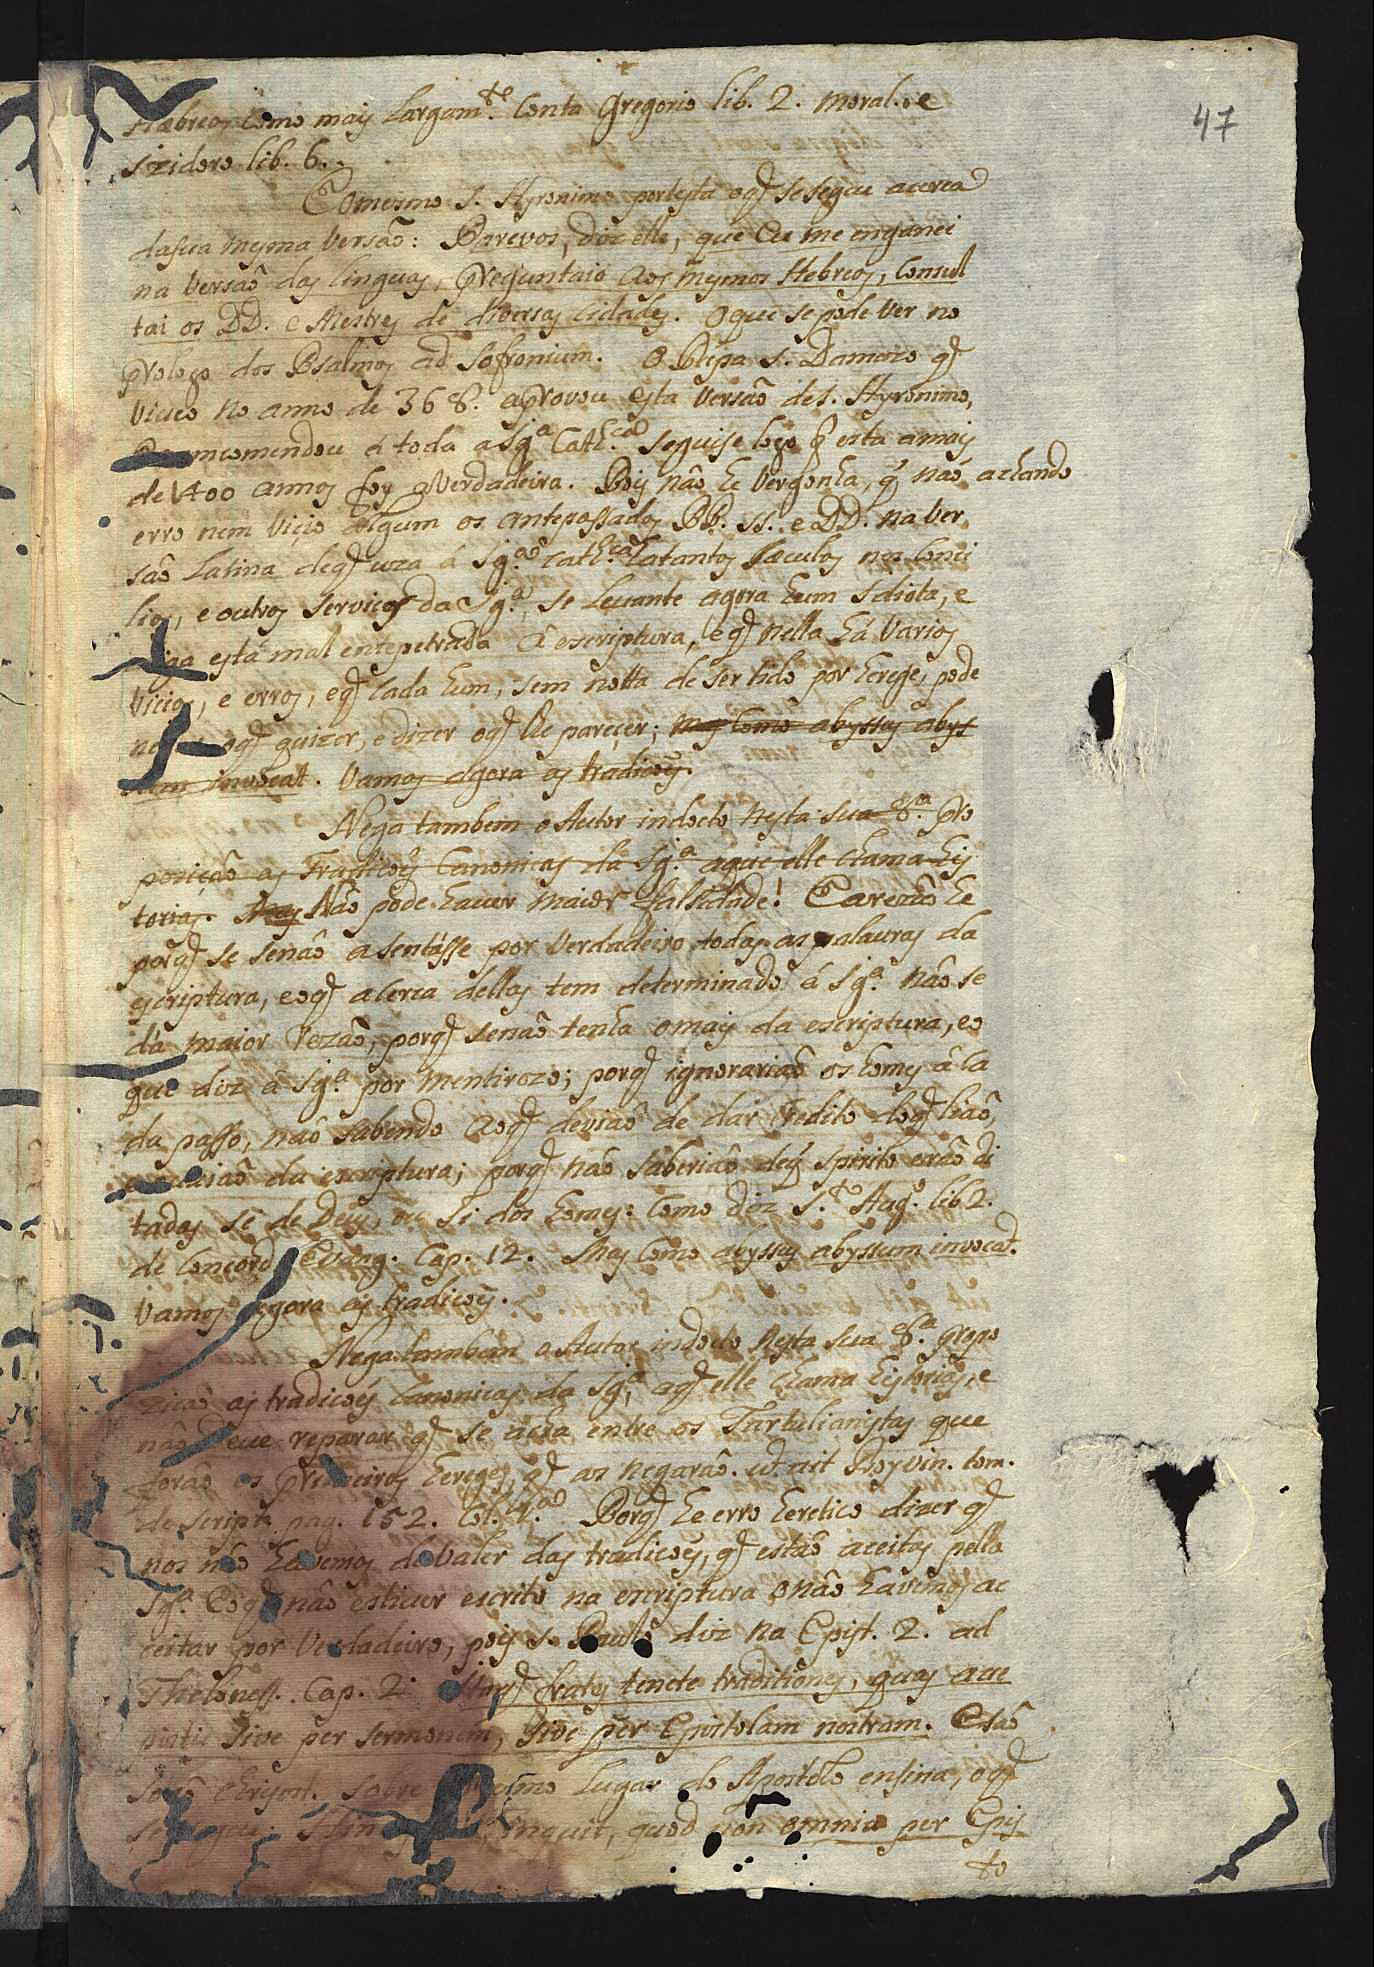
Hebreos como mais Largam.te conta Gregorio Lib. 2. moral. de
Izidoro lib.6.
E o mesmo S. Hyronimo portesta o q̄ se segue acerca
da sua mesma versaõ: Parevos, diz elle, que Eu me enganei
na versaõ das linguas, preguntaio aos mesmos Hebreos, consul
tai os DD. e Mestres de diversas cidades. O que se pode ver no
prologo dos Psalmos ad Sofronium. O Ripa s. Damazo q̄
viueo no anno de 368. aprovou esta versão de s. Hyronimo,
_mcomendou á toda a Iga Cath.ca seguise logo q̄ esta a mais
achando
de 1400 annos foy a verdadeira. Pois não he vergonha, q̄ naõ
erro nem viçio algum os antepassados PP. ss. e DD. na ver
são Latina de q̄ uza a Ig.a cath.ca ha tantos seculos nos Conci
lios, e outros servicos da Ig.a se leuante agora hum Idiota, e
_ga está mal entepetrada a escriptura, e q̄ nella há varios
vicios, e erros, e q̄ cada hum, sem notta de ser tido por herege, pode
n_ o q̄ quizer, e dizer o q̄ lhe parecer; mas como abyssus abys
sam inuocat. Vamos agora as tradiçoẽs.
Nega tambem o Autor indocto nesta sua 8.a pRo
poziçaõ as Tradicoẽs Canonicas da Ig.a a que elle chama his
torias. Mas Não pode hauer maior falsidade! E a rezaõ he
porq̄ se senaõ asentásse por verdadeiro todas as palauras da
escriptura, e o q̄ aCerca dellas tem determinado á Ig.a não se
dá maior Rezaõ, porq̄ senaõ tenha o mais da escriptura, e o
que diz a Ig.a por mentirozo; porq̄ ignorariaõ os homes á Ca
da passo, naõ sabendo ao q̄ deviaõ de dar Credito do q̄ liaõ,
iaõ da escriptura; porq̄ naõ saberiaõ de q̄ spirito eraõ di
tadas se de Deus, ou si dos homes: Como diz S.to Aug.o lib 2.
de Concord_ Evang. Cap. 12. Mas Como abyssus abyssam invocat.
vamos _gora as tradicoẽs.
Nega tambem o Autor indocto nesta sua 8.a propo
ziçaõ as tradicoẽs Canonicas da Iga, a q̄ elle chama historias, e
naõ _eue reparar q̄ se acha entre os Tartulianistas que
foraõ os pri_eiros hereges, q̄ as negaraõ: ut ait Poyvin. tom.
de script pag. 152. col. 4.a Porq he erro heretico dizer q̄
nos n_õ havemos d_ valer das tradicoẽs, q̄ estaõ aceitas pella
Ig.ra E o q̄ o naõ estiuer escrito na escriptura o não havemos ac
eitar por Ve_dadeiro, pois s. Paulo diz na Epist. 2. ad
Theloness. Cap. 2. Itaq̄ frates tenete traditiones, quas acce
pistis sive per sermonem, sive per Epistolam nostram. E saõ
Io_õ chrisost. sobre _mo Lugar do Apostolo ensina, o q̄
inquit, quod non omnia per Epis
to
